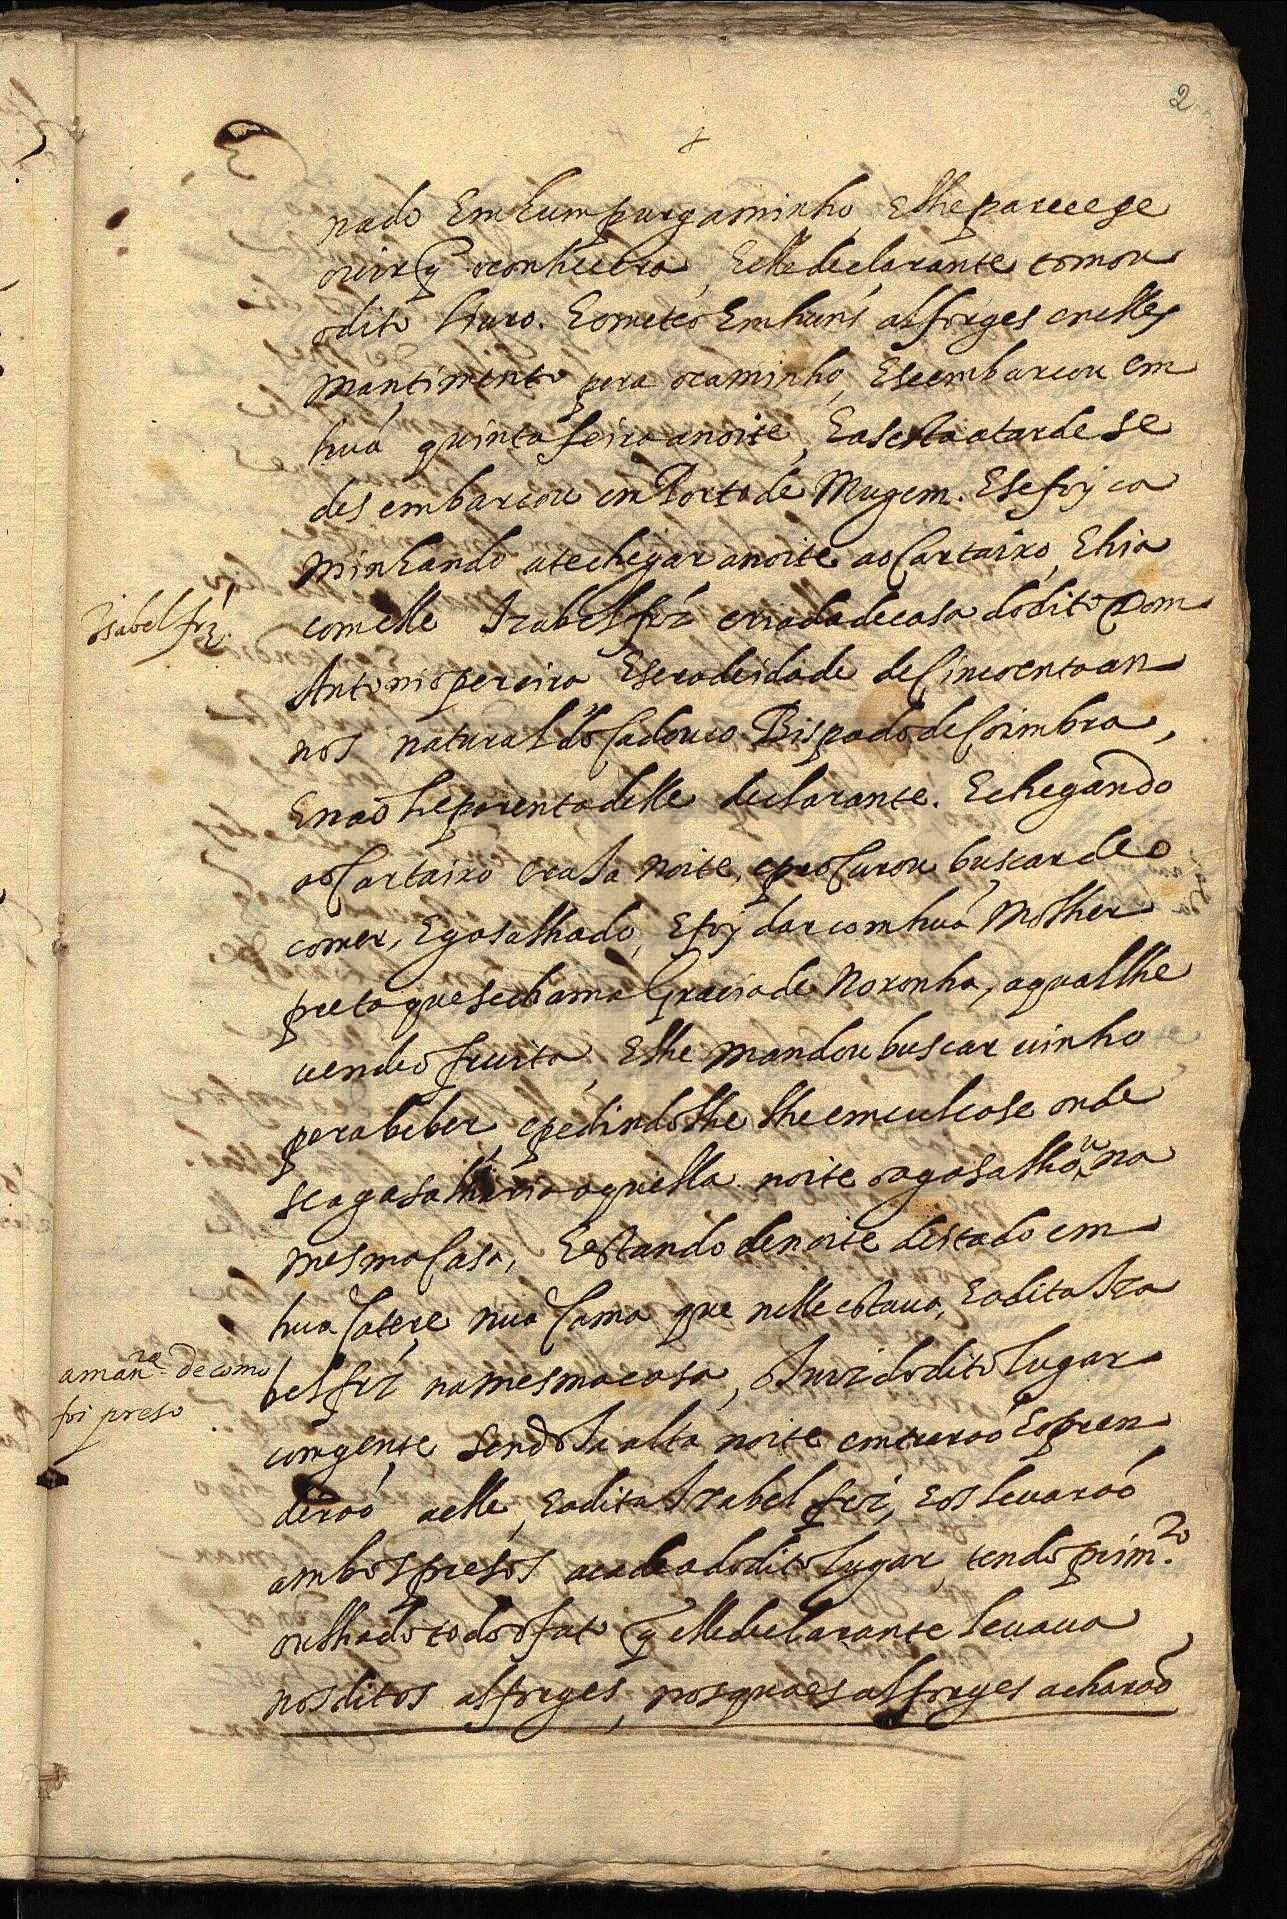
nado Em hum purgaminho, E lhe parece se
o uir q̄ o conhecera, E elle declarante tomou
o dito liuro. E o meteo Em huns alforges e nelles
mantimento pera o caminho, E se embarcou em
huā quinta feira a noite, E a sesta a tarde se
desembarcou em Porto de Mugem. E se foy ca
minhando ate chegar a noite ao Cartaixo, E hia
com elle Izabel frz̄ criada de casa do dito Dom
Antonio pereira E sera de idade de Cincoenta an
nos natural do Cadouco Bispado de Coimbra,
E naõ he parenta delle declarante. E chegando
ao Cartaixo era Ia noite, e proCurou buscar de
comer, E gasalhado, E foy dar com huā Molher
preta que se chama Gracia de Noronha, a qual lhe
uendeo fruita, E lhe mandou buscar uinho
pera beber, e pedindolhe lhe emculcase onde
se agasalharia aquella noite o agasalhou na
mesma Casa, E estando de noite deitado em
huā Catere nuā Cama que nelle estaua, E a dita Iza
bel frz̄ na mesma casa, o Iuiz do dito lugar
com gente sendo Ia alta noite entraraõ Eo pren
derāo a elle, E a dita Izabel frz̄, E os leuaraõ
ambos presos a cadea do dito lugar, tendo prim.ro
oulhado todo o fato q̄ elle declarante leuaua
nos ditos alforges, nos quaes alforges acharaõ
